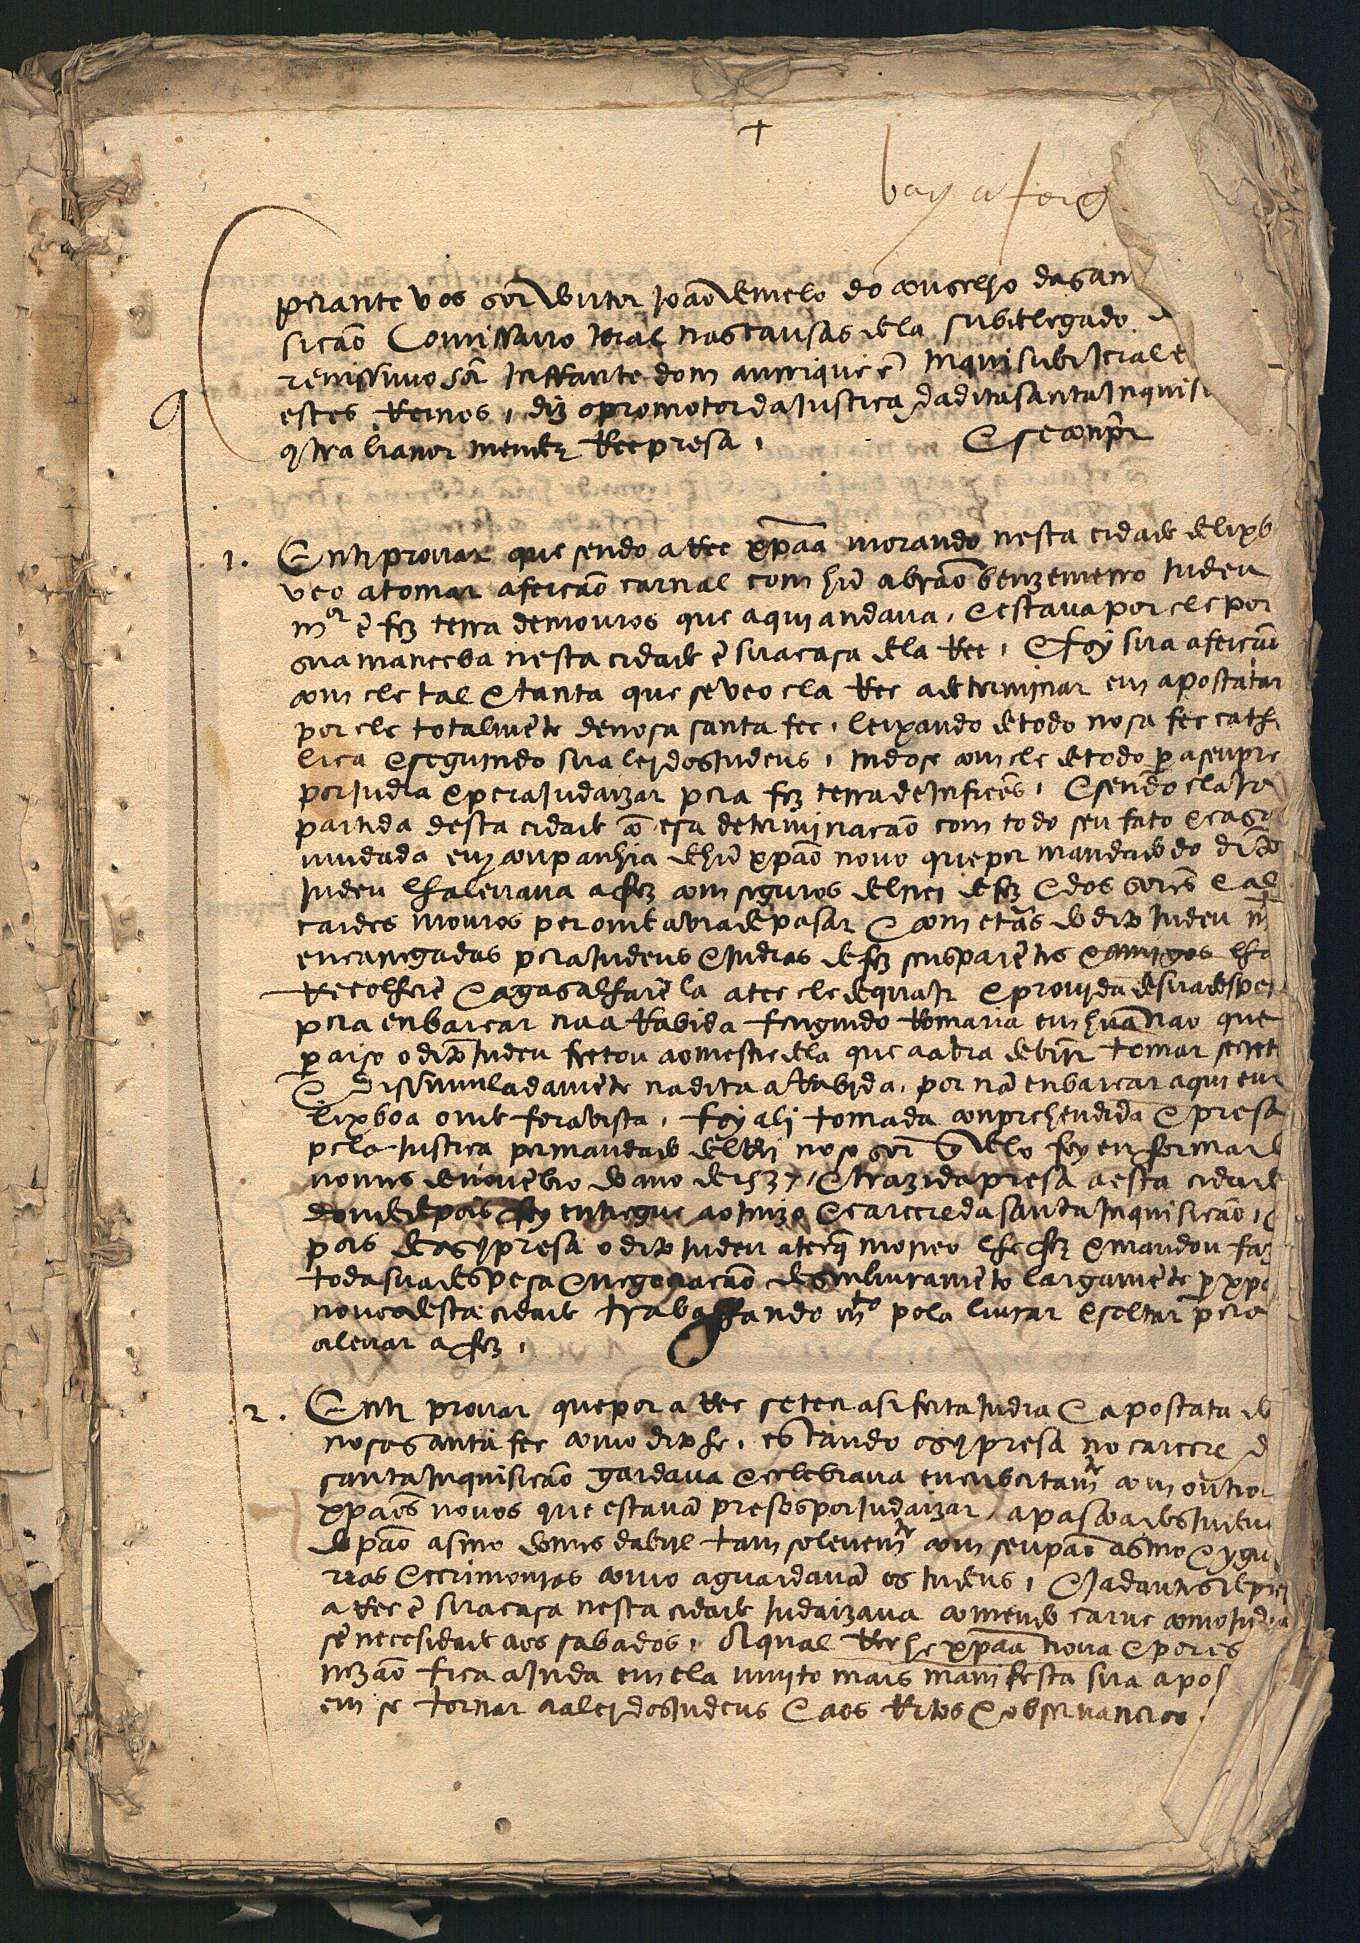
vay a Jorg
perante vos sōr doutor João de melo do conselho da san
siçaõ Comissario Jeral nas causas dela subdelegado.
renissimo sōr Jnffante dom anrrique c̄ Jnquisidor Jeral e
estes Reinos , diz o promotor da Justiça da dita santa Jnquisi
ꝯtra lianor mendez Ree presa
e se conpir
1. Ente prouar que sendo a Ree xpāa morando nesta cidade de lixb
veo a tomar afeicaõ carnal com hū abrão benzemeiro Judeu
mor ē fez terra de mouros que aquj andaua, e estaua por ele por
sua manceba nesta cidade ē sua casa dela Ree, e foy sua afeição
com ele tal e tanta que se veo ela Ree a determinar em apostatar
por ele totalmēte de nosa santa fee , leixando de todo nosa fee catho
lica e seguindo sua lej dos Judeus , Jndose com ele de todo ꝑa senpre
por Judia e pera Judaizar pera fez terra de Jnfiees , e sendo ela Ja
partida desta cidade c̄o esa determjnação com todo seu fato e casa
mudada em conpanhia de hū xpão nouo que por mandado do dito
Judeu lha leuaua a fez com seguros del rrei de fez e dos sores̄ e al
caides mouros per omde avia de pasar e com ctās do dito Judeu mt
encarregadas pera Judeus e Judias de fez seus parētes e amjgos lha
Recolherē e agasalharē la atee ele de qua Jr e proujda de sua despe
pera enbarcar na aRabida fengindo Romaria em huā nao que
ꝑa iso o dito Judeu fretou ao mestre dela que a avia de vijr tomar secret
e dissimuladamēte na dita aRabjda, por nā enbarcar aqui em
lixboa onde fora vista . foy alj tomada conprehendida e presa
pela Justiça per mandado del Rej noso sor̄ q̄ delo foy enformad
no mes de nouēbro do ano de i537 / e trazida presa a esta cidad
donde depois foy entregue ao Juiz e carcere da santa Jnquisição /
pois de asy presa o dito Judeu atee q̄ morreo lhe fez e mandou faz
toda sua despesa e negociação de seu liuramēto largamēte ꝑ xp
nouos desta cidade trabalhando mto pola liurar e soltar pera
a leuar a fez .
2. Ente prouar que por a Ree se teera si feita Judia e apostata de
nosa santa fee como dito he . estando asy presa no carcere d
santa Jnquisição gardaua e celebraua encubertamte com outro
xpaõs nouos que estauā presos por Judaizar a pascoa dos Judeu
do pão asmo do mes dabril tam solenemte com seu pão asmo e ygu
rias e cerimonjas como a guardauā os Judeus, e Ja dantes de pre
a Ree ē sua casa nesta cidade Judaizaua comendo carne como Judia
sē necesidade aos sabados, A qual Ree he xpāa noua e por es
rrezão fica aJnda em ela mujto mais manjfesta sua apos
em se tornar aa lej dos Judeus e aos Ritos e obseruancias
